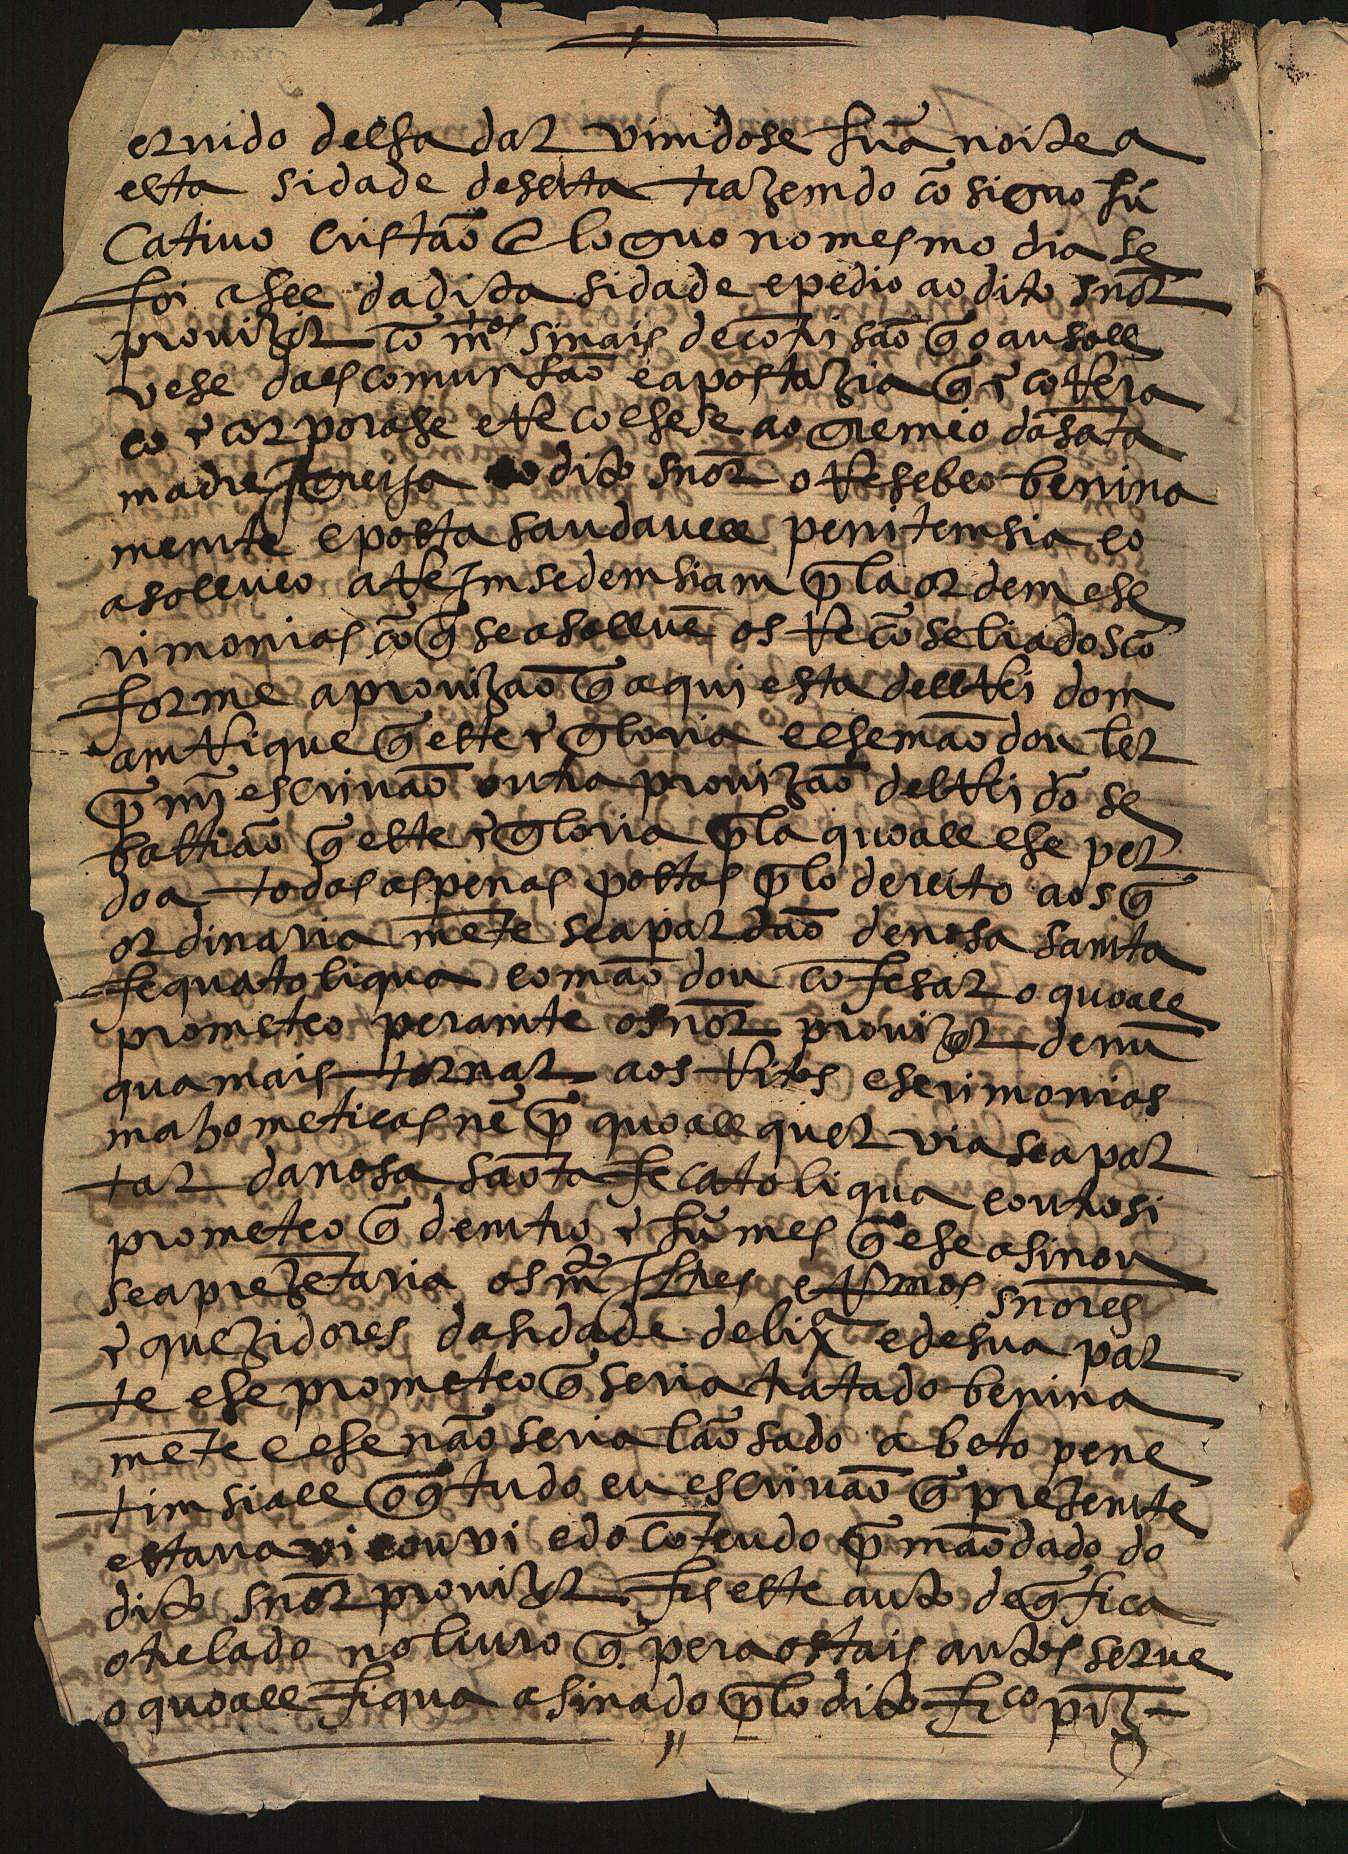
eruido de lha dar vimdose huā noite a
esta sidade de seita trazemdo c̄osiguo hū
Catiuo cristão e loguo no mesmo dia se
foi a see da dita sidade e pedio ao dito snōr
prouizor c̄o mtos sinais de c̄otrisaõ q̄ o ausoll
vese da escumunhaõ e apostazia q̄ ēcoRera
e o ēcorporase e Recolhese ao gremio da sāta
madre Jgreija e o dito senōr o Resebeo benina
memte e posta saudauell penitemsia e o
asollueo a ReJmsedemsiam p̄la ordem e se
rimonias c̄o q̄ se asolluē os Rec̄oseliados cō
forme a prouizaõ q̄ aquj esta dell Rei dom
amRique q̄ este ē gloria e lhe mãodou ler
p̄o mj̄ escriuão outra prouizão del Rei dō se
bastião q̄ este ē gloria p̄la quoall lhe per
doa todas as penas postas p̄lo dereito aos q̄
ordinariamēte se apartão de nosa samta
fe quatoliqua e o mãodou c̄ofesar o quoall
prometeo peramte o snōr prouizor de nū
qua mais tornar aos Ritos e serimonias
mahometicas nē p̄o quoallquer via se apar
tar da nosa sãota fe catoliqua e outrosi
prometeo q̄ demtro ē hū mes q̄ lhe asinou
se aprezētaria os mto JLtres e Rmos snōres
ēquezidores da sidade de lixa e de sua par
te lhe prometeo q̄ seria tratado benina
mēte e lhe não seria lãosado abeto pene
timsiall o q̄ tudo eu escriuão q̄ prezemte
estaua vi e ouvi e do c̄oteudo p̄o mãodado do
dito snōr prouizor fis este auto de q̄ fica
o trelado no liuro q̄ pera os tais autos serue
o quoall fiqua asinado p̄lo dito frco pīz
